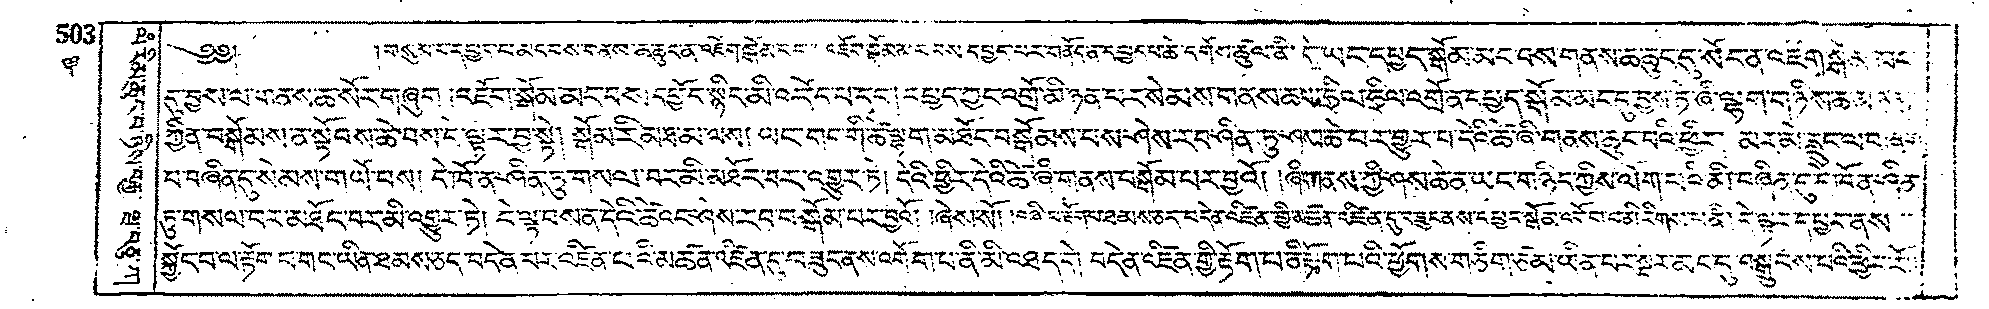༄༅། །གསུམ་པ་དཔྱད་པ་མང་བས་གནས་ཆ་ཆུང་ན་འཇོག་སྒོམ་དང་། འཇོག་སྒོམ་མང་བས་དཔྱད་པར་གནོད་ན་དཔྱད་པ་ཆེ་དགོས་ཚུལ་ནི།  དེ་ཡང་དཔྱད་སྒོམ་མང་བས་གནས་ཆ་ཆུང་དུ་སོང་ན་འཇོག་སྒོམ་མང་
དུ་བྱས་ལ་གནས་ཆ་སོར་གཞུག །འཇོག་སྒོམ་མང་བས་དཔྱོད་སྙིང་མི་འདོད་པ་དང་། དཔྱད་ཀྱང་འགྲོ་མི་ཉན་པར་སེམས་གནས་ཆ་ལ་ཧྲིལ་ཧྲིལ་འགྲོ་ན་དཔྱད་སྒོམ་མང་དུ་བྱས་ཏེ་ཞི་ལྷག་གཉིས་ཆ་མཉམས་
ཀྱིན་བསྒོམས་ན་སྟོབས་ཆེ་བས་དེ་ལྟར་བྱ་སྟེ། སྒོམ་རིམ་ཐ་མ་ལས། ཡང་དག་གི་ཚེ་ལྷག་མཐོང་སྒོམས་པས་ཤེས་རབ་ཤིན་ཏུ་ཤས་ཆེ་བར་གྱུར་པ་དེའི་ཚེ་ཞི་གནས་ཆུང་བའི་ཕྱིར། མར་མེ་རླུང་ལ་བཞག་
པ་བཞིན་དུ་སེམས་གཡོ་བས། དེ་ཁོ་ན་ཤིན་ཏུ་གསལ་བར་མི་མཐོང་བར་འགྱུར་ཏེ། དེའི་ཕྱིར་དེའི་ཚེ་ཞི་གནས་བསྒོམ་པར་བྱའོ། །ཞི་གནས་ཀྱི་ཤས་ཆེ་ན་ཡང་གཉིད་ཀྱིས་ལོག་པའི་མི་བཞིན་དུ་དེ་ཁོ་ན་ཤིན་
ཏུ་གསལ་བར་མཐོང་བར་མི་འགྱུར་ཏེ། དེ་ལྟ་བས་ན་དེའི་ཚེའང་ཤེས་རབ་བསྒོམ་པར་བྱའོ། །ཞེས་སོ། །བཞི་པ་རྟོག་པ་ཐམས་ཅད་བདེན་འཛིན་དུ་བཟུང་ནས་དཔྱད་སྒོམ་འགོག་པ་མི་རིགས་པ་ནི།  དེ་ལྟར་དཔྱད་ནས་
སྐྱོང་བ་ལ་རྟོག་པ་གང་ཡིན་ཐམས་ཅད་བདེན་པར་འཛིན་པའི་མཚན་འཛིན་དུ་བཟུང་ནས་འགོག་པ་ནི་མི་འཐད་དེ། བདེན་འཛིན་གྱི་རྟོག་པ་ནི་རྟོག་པའི་ཕྱོགས་གཅིག་ཙམ་ཡིན་པར་སྔར་མང་དུ་བསྒྲུབས་པའི་ཕྱིར་རོ།།